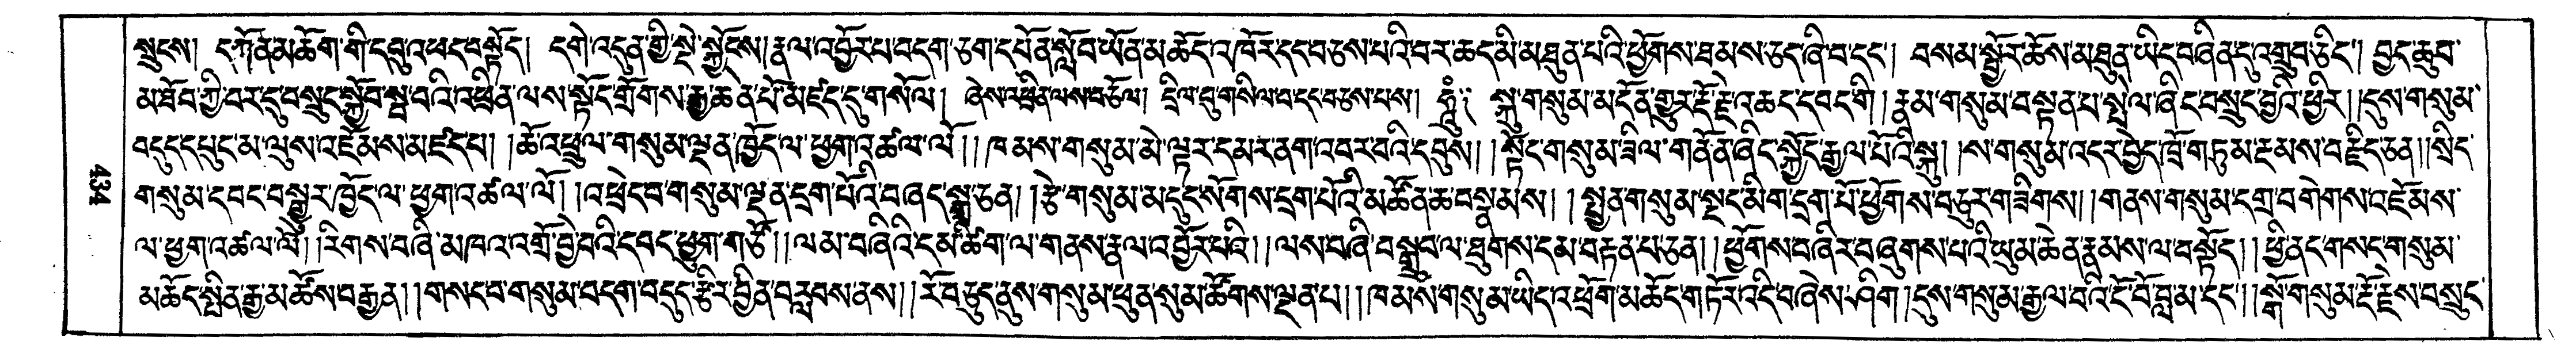སྲུངས། དཀོན་མཆོག་གི་དབུ་འཕང་བསྟོད། དགེ་འདུན་གྱི་སྡེ་སྐྱོངས། རྣལ་འབྱོར་པ་བདག་ཅག་དཔོན་སློབ་ཡོན་མཆོད་འཁོར་དང་བཅས་པའི་བར་ཆད་མི་མཐུན་པའི་ཕྱོགས་ཐམས་ཅད་ཞི་བ་དང་། བསམ་སྦྱོར་ཆོས་མཐུན་ཡིད་བཞིན་དུ་འགྲུབ་ཅིང་། བྱང་ཆུབ་
མ་ཐོབ་ཀྱི་བར་དུ་བསྲུང་སྐྱོབ་སྦ་བའི་འཕྲིན་ལས་སྟོང་གྲོགས་རྒྱ་ཆེན་པོ་མཛད་དུ་གསོལ། ཞེས་འཕྲིན་ལས་བཅོལ། དྲིལ་བུ་གསིལ་བ་དད་བཅས་པས། ཧཱུཾ༑ སྐུ་གསུམ་མངོན་གྱུར་རྡོ་རྗེ་འཆང་དབང་གི། རྣམ་གསུམ་བསྟན་པ་སྤེལ་ཞིང་བསྲུང་བྱའི་ཕྱིར། །དུས་གསུམ་
བདུད་དབུང་མ་ལུས་འཇོམས་མཛད་པ། །ཆོ་འཕྲུལ་གསུམ་ལྡན་ཁྱོད་ལ་ཕྱག་འཚལ་ལོ། །ཁམས་གསུམ་མེ་ལྟར་དམར་ནག་འབར་བའི་དབུས། །སྟེང་གསུམ་ཟིལ་གནོན་ཞིང་སྐྱོང་རྒྱལ་པོའི་སྐུ། །ས་གསུམ་འདར་བྱེད་ཁྲོ་གཏུམ་རྔམས་བརྗིད་ཅན། །སྲིད་
གསུམ་དབང་བསྒྱུར་ཁྱོད་ལ་ཕྱག་འཚལ་ལོ། །འཕྲེང་བ་གསུམ་ལྡན་དྲག་པོའི་བཞད་སྒྲ་ཅན། །རྩེ་གསུམ་མདུང་སོགས་དྲག་བའི་མཚོན་ཆ་བསྣམས། །སྤྱན་གསུམ་སྡང་མིག་དྲག་པོ་ཕྱོགས་བཅུར་གཟིགས། །གནས་གསུམ་དགྲ་བགེགས་འཇོམས་
ལ་ཕྱག་འཚལ་ལོ། །རིགས་བཞི་མཁའ་འགྲོ་བྱེ་བའི་དབང་ཕྱུག་གཙོ། །ལམ་བཞིའི་དམ་ཚིག་ལ་གནས་རྣལ་འབྱོར་པའི། །ལས་བཞི་བསྒྲུབ་ལ་ཐུགས་དམ་བརྟན་པ་ཅན། །ཕྱོགས་བཞིར་བཞུགས་པའི་ཡུམ་ཆེན་རྣམས་ལ་བསྟོད། །ཕྱི་ནང་གསང་གསུམ་
མཆོད་སྤྲིན་རྒྱ་མཚོས་བརྒྱན། །གསང་བ་གསུམ་བདག་བདུད་རྩིར་བྱིན་བརླབས་ནས། །རོ་བཅུད་ནུས་གསུམ་ཕུན་སུམ་ཚོགས་ལྡན་པ། །ཁམས་གསུམ་ཡིང་འཕྲོག་མཆོད་གཏོར་འདི་བཞེས་ཤིག །དུས་གསུམ་རྒྱལ་བའི་ངོ་བོ་བླ་མ་དང་། །སྒོ་གསུམ་རྡོ་རྗེས་བསྲུང་